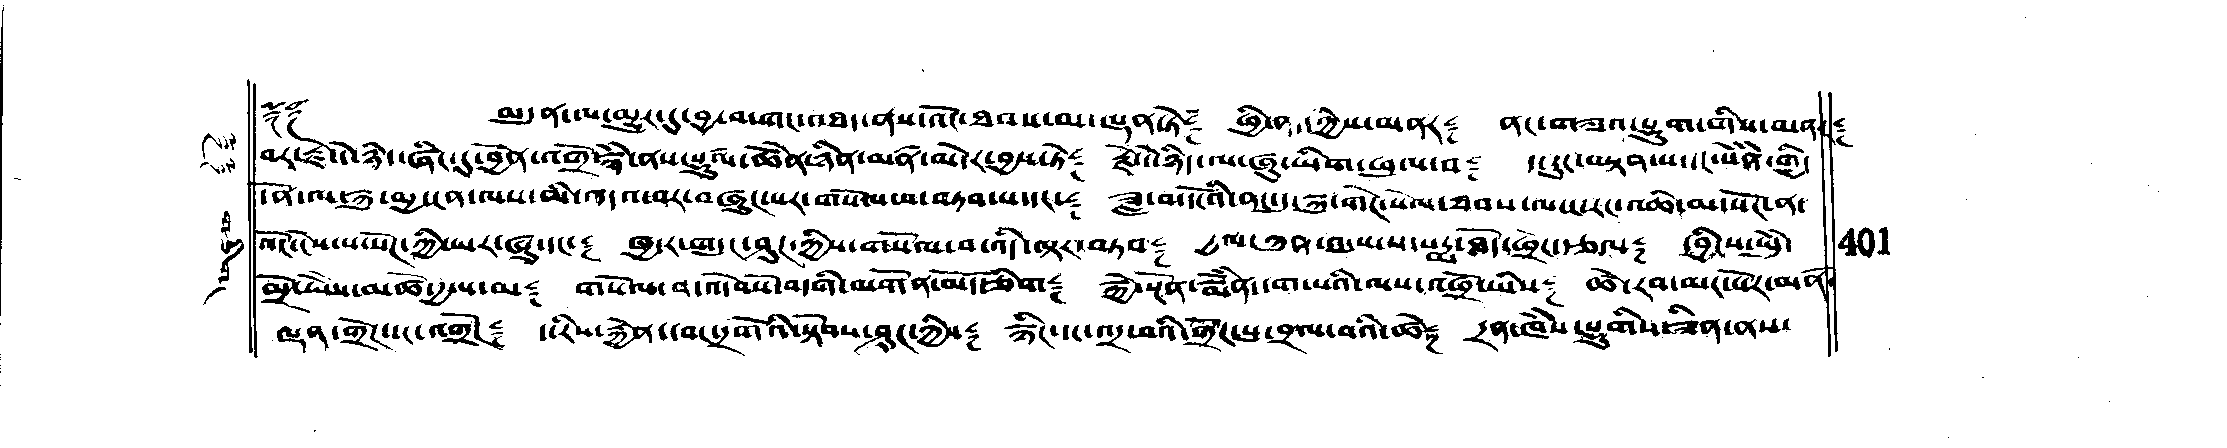མདུན་ལ་མྱུར་དུ་བྱ་བ་གང་འཐད་ནས་འོང་ཐབས་མ་ལྡན་ཏེ། ཕྱི་ནད་ཀྱིས་མནར། ནང་གཟའ་སྡུག་གིས་མནར། 
བར་རྗེ་དེ་ཉིད་ཞིང་དུ་བྱོན་འགྲོ་སྙམ་ནས་སྡུག་བསྔལ་ཆེན་པོ་ཉིན་མཚན་མེད་པར་བྱས་ཏེ། རྗེ་དེ་ཉིད་ལ་ཞུ་ཡིག་ཕུལ་བ། ད་རུང་བསྟན་པ་དང་སེམས་ཅན་གྱི་
དོན་ལ་སྐུ་མྱ་ངན་ལས་མི་འདའ་བར་བཞུགས་པར་གསོལ་བ་བཏབ་པ་དང་། ཟླ་བ་དང་པོའི་ནང་དུ་སྐུ་གེགས་སེལ་ཐབས་ལ་ང་རང་འཆི་མ་སོང་ན། 
འོང་ངེས་པ་སོགས་ཀྱི་ཡར་ཞུ་དང་། ཁྱད་པར་གདུང་ཤུགས་ཀྱིས་གསོལ་བ་འདི་ལྟར་བཏབ། རྒྱལ་ཀུན་འདུས་པ་པདྨ་ཐོད་ཕྲེང་རྩལ། །དབྱིངས་ཡུམ་
མཁའ་འགྲོ་ཡེ་ཤེས་མཚོ་རྒྱལ་ལ། །གསོལ་བ་འདེབས་སོ་བདག་གི་མགོན་མཛོད་ཅིག །སྐྱེ་སྔོན་སྨོན་ལམ་དག་པའི་ལས་འཕྲོ་ཡིས། །ཚེ་རབས་མང་པོར་མཚན་
ལྡན་གྲོགས་དང་འགྲོགས། །ད་རིས་རྐྱེན་དབང་དྲག་པོའི་སྟོབས་ཤུགས་ཀྱིས། །སྙིང་དང་འདྲ་བའི་གྲོགས་སུ་བྲལ་བའི་ཚེ། །དྲན་ཁམས་སྡུག་གིས་ཟིན་ནས་